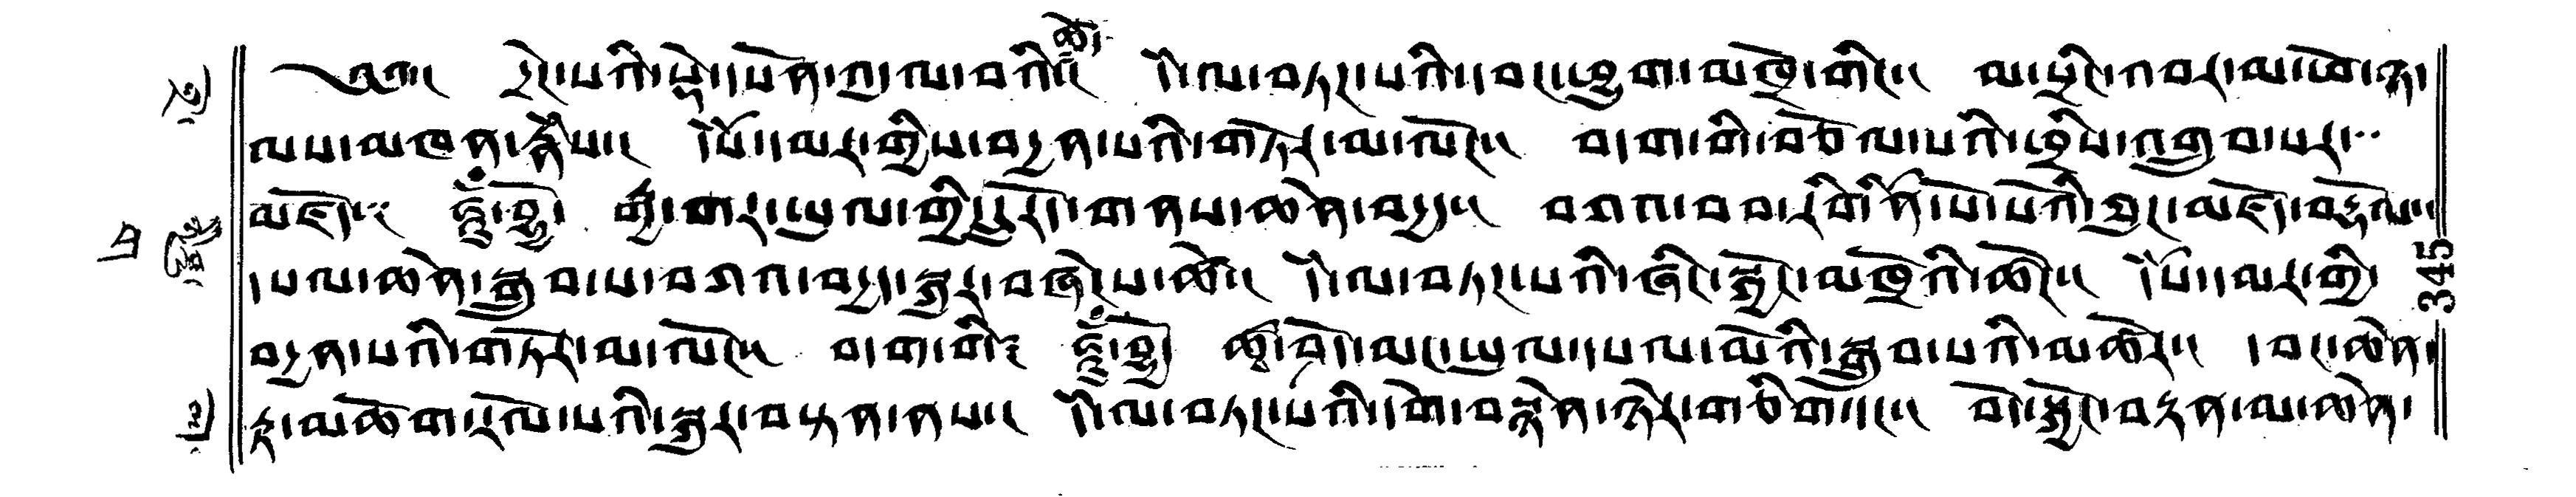དྲེགས་པའི་སྡེ་དཔོན་འདུལ་བའི་ཚེ། །དམ་ལ་བཏགས་པའི་དབང་ཕྱུག་མཁའ་འགྲོ་གིང་། །མ་སྲིང་འབར་མ་ཕོ་ཉ་
ལས་མཁན་རྣམས། །དམ་རྫས་དམར་གྱིས་བརྒྱན་པའི་གཏོར་མ་ལོངས། །བདག་གི་བཅོལ་པའི་ཕྲིན་ལས་འགྲུབ་པར་
མཛོད། ཧཱུྃ་བྷྱོ། རྒྱ་གར་ཡུལ་གྱི་དུར་ཁྲོད་གནས་ཆེན་བརྒྱད། །བཀའ་བབ་རིག་འཛིན་སོ་སོའི་ཐུགས་མཛོད་བརྡོལ། །
དཔལ་ཆེན་སྒྲུབ་པ་བཀའ་བརྒྱད་སྐུར་བཞེངས་ཚེ། །དམ་ལ་བཏགས་པའི་ཞིང་སྐྱོང་མཁའ་འགྲོའི་ཚོགས། །དམ་རྫས་དམར་གྱིས་
བརྒྱན་པའི་གཏོར་མ་ལོངས། །བདག་གི༴ ཧཱུྃ་བྷྱོ། ཚྭ་ཤོད་མང་ཡུུལ་དཔལ་མོའི་སྒྲུབ་པའི་མཚོར། །དབང་ཆེན་
རྟ་མཆོག་རོལ་པའི་སྐུར་བསྟན་ནས། །དམ་ལ་བཏགས་པའི་དགེ་བསྙེན་ཉེར་གཅིག་དང་། །བོད་སྐྱོང་བརྟན་མ་ཆེན་